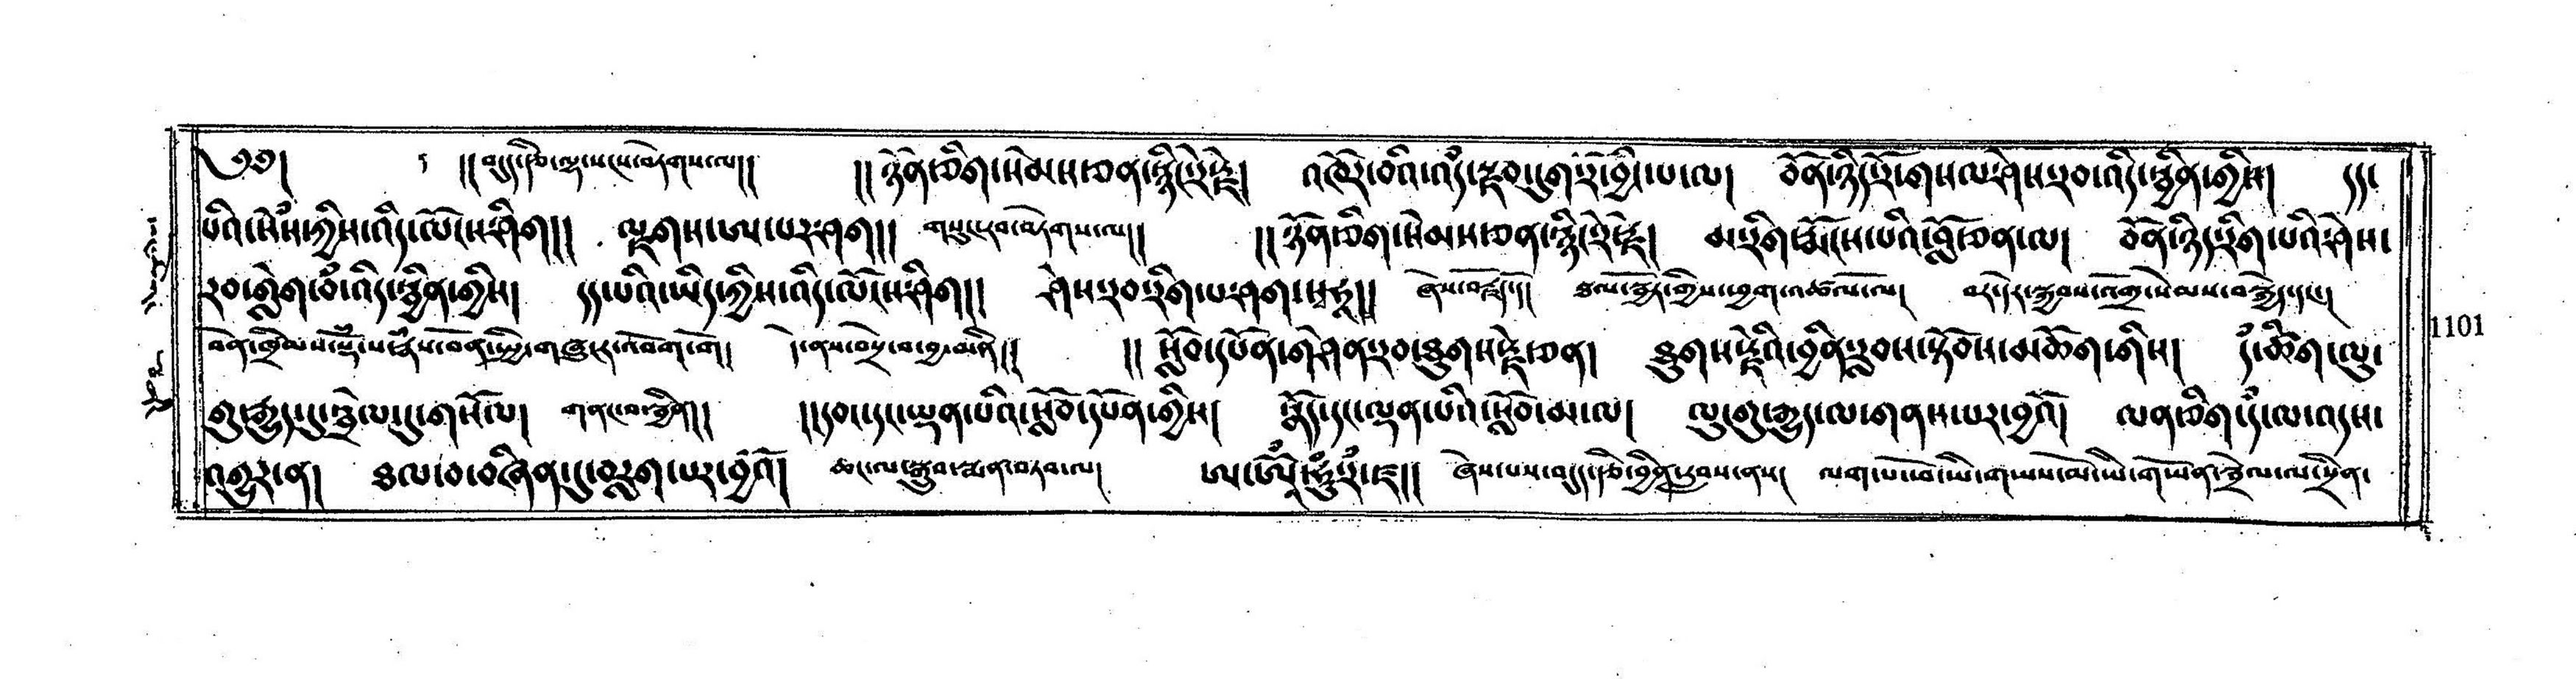།བདུད་རྩི་ལྷ་སངས་བཏེགས་ལ།། །།ཉོན་ཅིག་སེམས་ཅན་སྙིང་རེ་རྗེ། འཁོར་བའི་འདམ་རྫབ་དུག་རོ་བྱིང་པ་ལ། བོན་ཉིད་རོ་གསལ་ཤེས་རབ་འདི་སྦྱིན་གྱིས། དད་
པའི་སེམས་ཀྱིས་འདི་ལོངས་ཤིག ལྗགས་ཨ་པར་ཤག །གསུང་རབ་བཏེགས་ལ།། །།ཉོན་ཅིག་སེམས་ཅན་སྙིང་རེ་རྗེ། {1120} མ་རིག་རྨོངས་པའི་བློ་ཅན་ལ། བོན་ཉིད་རིག་པའི་ཤེས་
རབ་གླེག་བམ་འདི་སྦྱིན་གྱིས། དད་པའི་ཡིད་ཀྱིས་འདི་ལོངས་ཤིག ཤེས་རབ་རིག་པ་ཤག་སྭཧཱ། ཞེས་བརྗོད་དོ། ཐལ་སྦྱོར་གྱིས་ཕྱག་འཚལ་ལོ། བར་དེར་སྐྱབས་འགྲོ་སེམས་བསྐྱེད་དང་། 
བོན་ཁྲིམས་སྡོམ་པ་རྣམས་བོན་སྤྱི་གཞུང་ལྟར་འབོག་གོ དེ་ནས་བསྲེ་བ་བྱ་བ་ནི།། །།སློབ་དཔོན་གཤེན་རབ་ཐུགས་རྗེ་ཅན། ཐུགས་རྗེའི་བྱིན་རླབས་སྟོབས་མཆོག་གིས། དམ་ཚིག་ལུ་
གུ་རྒྱུད་དུ་སྦྲེལ་དུ་གསོལ། གནང་བ་སྦྱིན།། །།དབང་དང་ལྡན་པའི་སློབ་དཔོན་གྱིས། སྣོད་དང་ལྡན་པའི་སློབ་མ་ལ། ལུ་གུ་རྒྱུད་ལ་གནས་པར་བྱའོ། ལན་ཅིག་དམ་ལ་འདས་
འགྱུར་ན། ཐལ་བ་བཞིན་དུ་བརླག་པར་བྱའོ། ཆང་ལ་སྒྲུབ་སྨན་བཏབ་ལ། ཨ་ཨཱོྃ་ཧཱུྃ་རྃ་ཛ།། ཞེས་པས་བདུད་རྩི་བྱིན་གྱིས་བརླབས་ནས། ལག་པ་ཕོ་ཡི་གཡས་མོ་ཡི་གཡོན་སྦྲེལ་ལ་སྲིན་